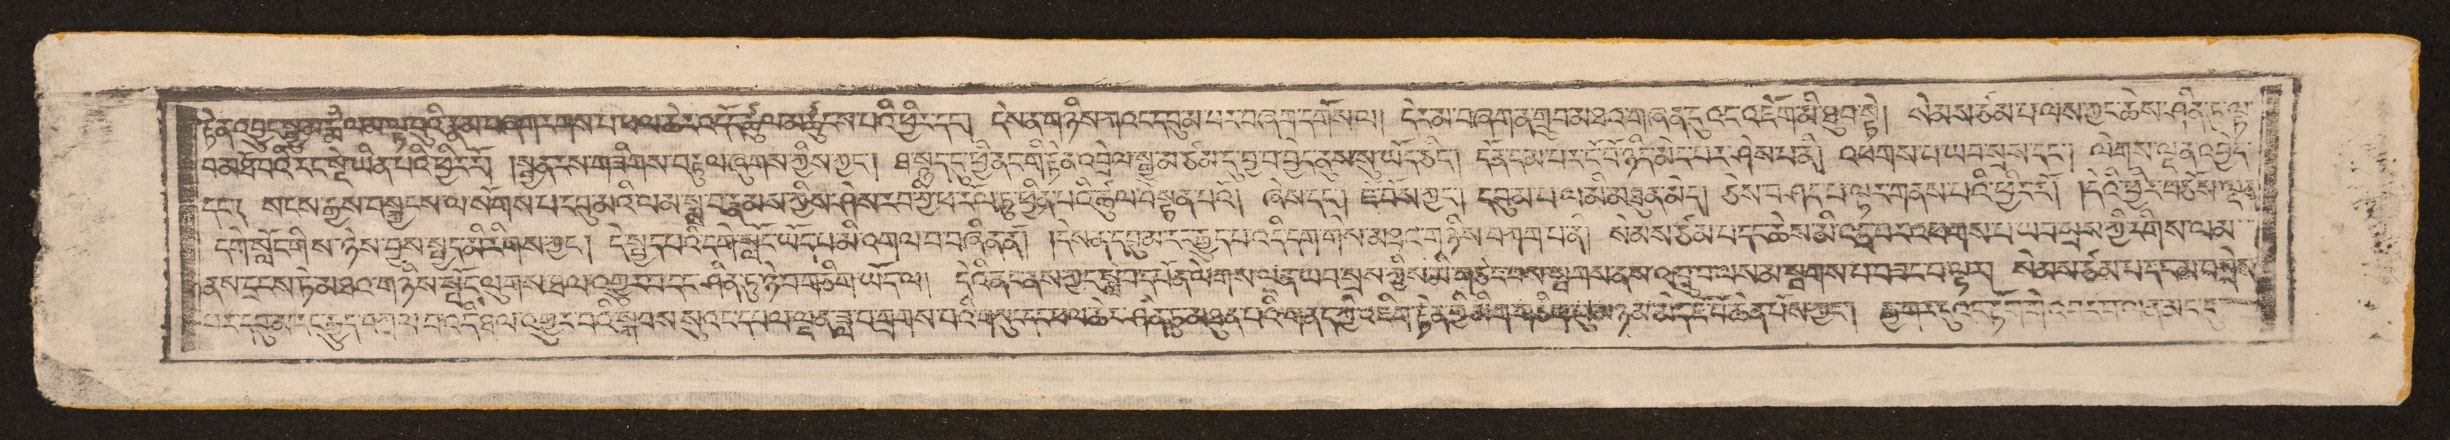རྟེན་འབྱུང་སྒྱུ་མ་རྨི་ལམ་ལྟ་བུའི་རྣམ་བཞག་རགས་པ་ཕལ་ཆེར་འདོད་ཚུལ་མཚུངས་པའི་ཕྱིར་དང་། དེས་ན་གཉིས་ཀའང་དབུམ་པར་བཞག་དགོས་ལ། དེར་མ་བཞག་ན་གྲུབ་མཐའ་གཞན་དུའང་འཇོག་མི་ཐུབ་སྟེ། སེམས་ཙམ་པ་ལས་ཀྱང་ཆེས་ཤིན་ཏུ་ལྟ་
བ་མཐོ་བའི་རང་སྡེ་ཡིན་པའི་ཕྱིར་རོ། །སྤྱན་རས་གཟིགས་བརྟུལ་ཞུགས་ཀྱིས་ཀྱང་། ཐ་སྙད་དུ་ཕྱི་ནང་གི་རྟེན་འབྲེལ་སྒྱུ་མ་ཙམ་དུ་བྱ་བ་བྱེད་ནུས་སུ་ཡོད་ཅིང་། དོན་དམ་པར་ངོ་བོ་ཉིད་མེད་པར་ཤེས་པ་ནི། འཕགས་པ་ཡབ་སྲས་དང་། ལེགས་ལྡན་འབྱེད་
དང༑ སངས་རྒྱས་བསྐྱངས་ལ་སོགས་པ་དབུ་མའི་ལམ་སྨྲ་བ་རྣམས་ཀྱིས་ཤེས་རབ་ཀྱི་ཕ་རོལ་ཏུ་ཕྱིན་པའི་ཚུལ་བསྟན་པའོ། ཞེས་དང་། ཇོ་བོས་ཀྱང་། དབུ་མ་པ་ལ་མི་མཐུན་མེད། ཅེས་བཤད་པ་ལྟར་གནས་པའི་ཕྱིར་རོ། །དེའི་ཕྱིར་བཅོས་ལྡན་
དགེ་སློང་གིས་ཉེས་བྱས་སྤྱད་མི་རིགས་ཀྱང་། དེ་སྤྱད་པའི་དགེ་སློང་ཡོད་པ་མི་འགལ་བ་བཞིན་ནོ། །དེས་ན་དབུམ་རང་རྒྱུད་པ་འདི་དག་གིས་མཐའ་གཉིས་བཀག་པ་ནི། སེམས་ཙམ་པ་དང་ཆེས་མི་འདྲ་བར་འཕགས་པ་ཡབ་སྲས་ཀྱི་རིགས་ལམ་
ནས་དྲངས་ཏེ་མཐའ་གཉིས་སྤོང་ལུགས་ཐལ་འགྱུར་བ་དང་ཤིན་ཏུ་ཉེ་བ་གཅིག་ཡོད་ལ། དེའི་ནང་ནས་ཀྱང་སློབ་དཔོན་ལེགས་ལན་ཡབ་སྲས་ཀྱིས་མི་གཙང་བས་སྤགས་ནས་འཁྲུབ་ལས་མ་སྤགས་པ་བཟང་བ་ལྟར། སེམས་ཙམ་པ་དང་མ་བསྲེས་
པར་དབུ་མ་རང་རྒྱུད་བཀྲལ་བ་འདི་ཐལ་འགྱུར་བའི་སྐབས་སུ་འང་དཔལ་ལྡན་ཟླ་བ་གྲགས་པའི་གསུང་དང་ཕལ་ཆེར་ཤིན་ཏུ་མཐུན་པའི་གནད་ཀྱི་འཇིག་རྟེན་གྱི་མིག་གཅིག་བུ་མཉམ་མེད་ཇོ་བོ་ཆེན་པོས་ཀྱང་། རྒྱ་གར་དུའང་རྟོག་གེ་འབར་བ་ལན་མང་དུ་